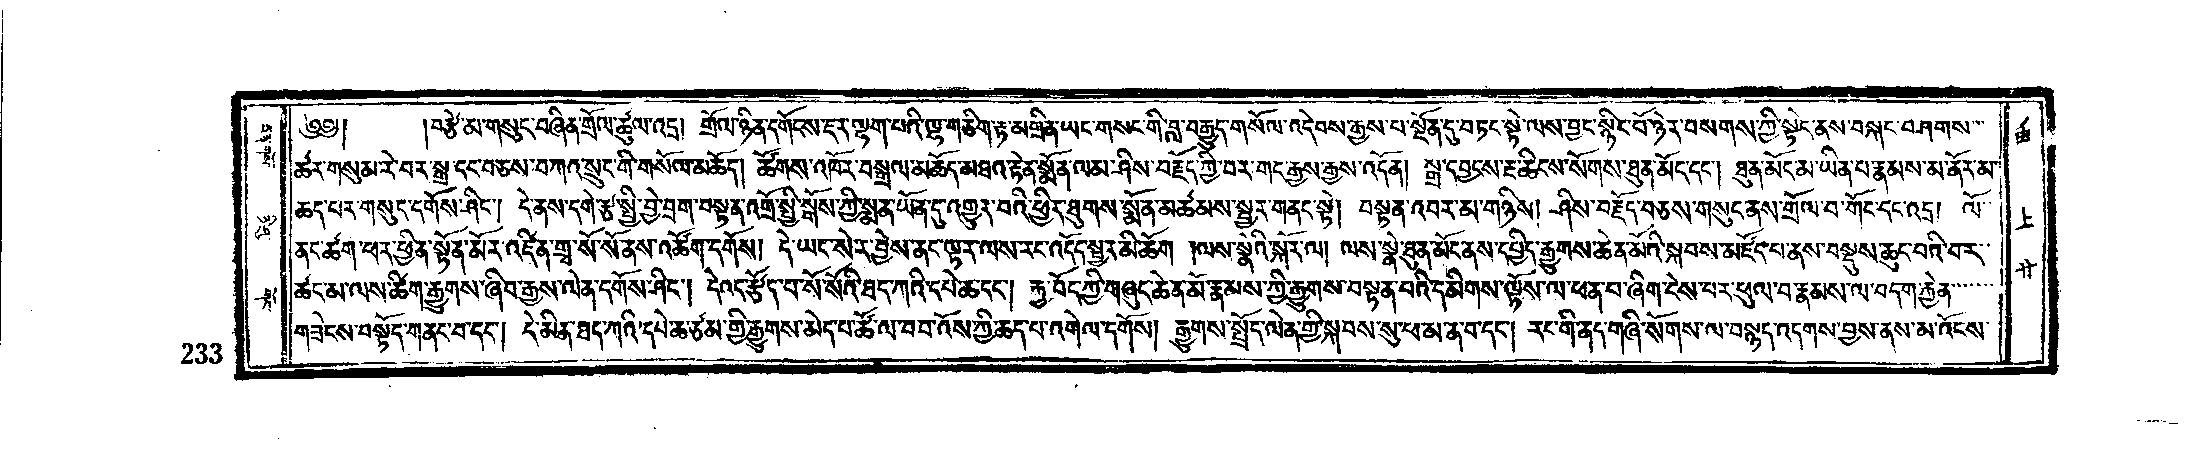༄༅། །བརྩེ་མ་གསུང་བཞིན་གྲོལ་ཚུལ་འདྲ། གྲོལ་ཉིན་དགོངས་ཇར་ལྷག་པའི་ལྷ་གཅིག་རྟ་མགྲིན་ཡང་གསང་གི་བླ་བརྒྱུད་གསོལ་འདེབས་རྒྱས་པ་སྔོན་དུ་བཏང་སྟེ་ལས་བྱང་སྙིང་པོ་ཉེར་བསགས་ཀྱི་སྟེང་ནས་བསྐང་བཤགས་
ཚར་གསུམ་རེ་བར་སྒྲ་དང་བཅས་བཀའ་སྲུང་གི་གསོལ་མཆོད། ཚོགས་འཁོར་བསྒྲལ་མཆོད་མཐའ་རྟེན་སྨོན་ལམ་ཤིས་བརྗོད་ཀྱི་བར་གང་རྒྱས་རྒྱས་འདོན། སྒྲ་དབྱངས་རྔ་ཆིངས་སོགས་ཐུན་མོང་དང་། ཐུན་མོང་མ་ཡིན་པ་རྣམས་མ་ནོར་མ་
ཆད་པར་གསུང་དགོས་ཤིང་། དེ་ནས་དགེ་རྩ་སྤྱི་བྱེ་བྲག་བསྟན་འགྲོ་སྤྱི་སྒོས་ཀྱི་སྨན་ཡོན་དུ་འགྱུར་བའི་ཕྱིར་ཐུགས་སྨོན་མཚམས་སྦྱར་གནང་སྟེ། བསྟན་འབར་མ་གཉིས། ཤིས་བརྗོད་བཅས་གསུང་ནས་གྲོལ་བ་གོང་དང་འདྲ། ལོ་
ནང་ཚག་ཕར་ཕྱིན་སྟོན་མོར་འཛིན་གྲྭ་སོ་སོ་ནས་འཚོག་དགོས། དེ་ཡང་སེ་ར་བྱེས་ནང་ལྟར་ལས་རང་འདོད་སྦྱར་མི་ཆོག །ལས་སྣེའི་སྐོར་ལ། ལས་སྣེ་ཐུན་མོང་ནས་དཔྱིད་རྒྱུགས་ཆེན་མོའི་སྐབས་མཛོད་པ་ནས་བསྡུས་ཆུང་བའི་བར་
ཚང་མ་ལས་ཚིག་རྒྱུགས་ཞིབ་རྒྱས་ལེན་དགོས་ཤིང་། དེའང་རྩོད་པ་སོ་སོའི་ཐད་ཀའི་དཔེ་ཆ་དང་། རྒྱ་བོད་ཀྱི་གཞུང་ཆེན་མོ་རྣམས་ཀྱི་རྒྱུགས་བསྟན་པའི་དམིགས་ལྟོས་ལ་ཕན་པ་ཞིག་ངེས་པར་ཕུལ་བ་རྣམས་ལ་བདག་རྐྱེན་
གཟེངས་བསྟོད་གནང་བ་དང་། དེ་མིན་ཐད་ཀའི་དཔེ་ཆ་ཙམ་གྱི་རྒྱུགས་མེད་པ་ཚོ་ལ་བབ་འོས་ཀྱི་ཆད་པ་འགེལ་དགོས། རྒྱུགས་སྤྲོད་ལེན་གྱི་སྐབས་སུ་ཕ་མ་ན་བ་དང་། རང་གི་ནད་གཞི་སོགས་ལ་བསྙད་འདགས་བྱས་ནས་མ་འོངས་